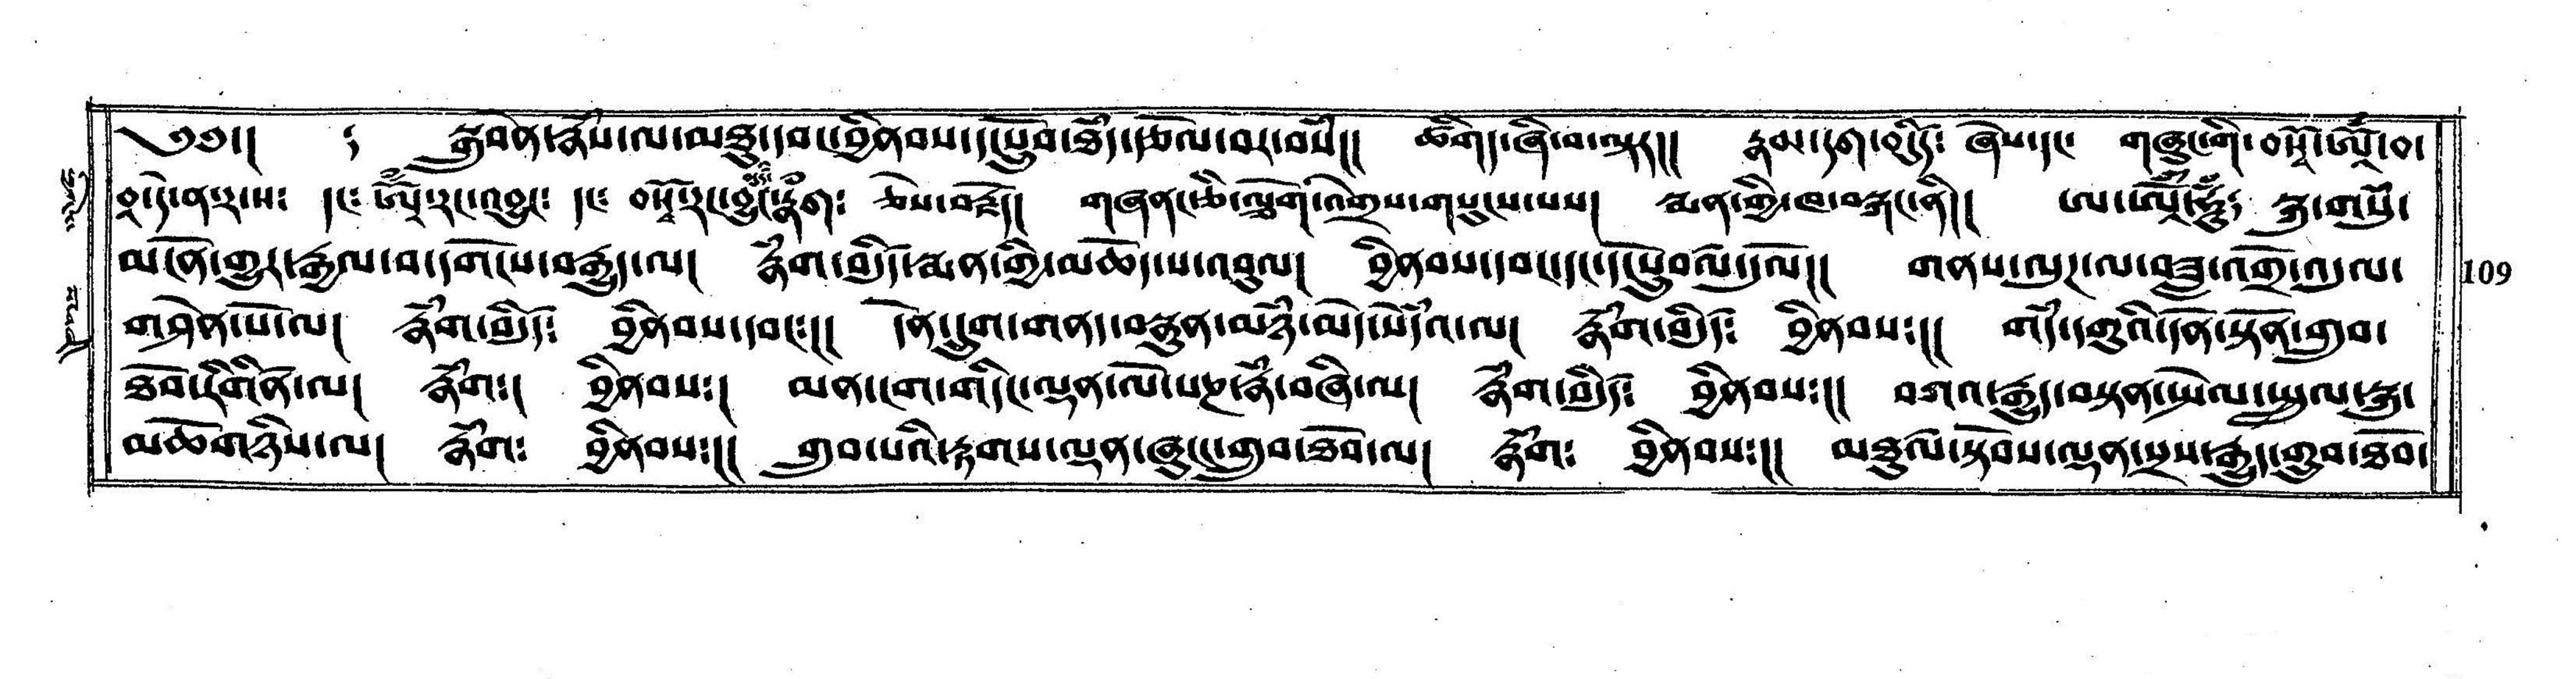སྒྲུབ་གཤེན་རྣམས་ལ་མཐུ་དབང་བྱིན་རླབས་དངོས་གྲུབ་ཐམས་ཅད་རྩོལ་བར་བསམ།། ཚིག་བཤད་ཞི་བ་ལྟར།། རྣམ་དག་བདུད་རྩི༴ ཞེས་དང་གཞུང་གི་བསྭོ་ཨཱོཾ་བ་
བཱ་དེ་ན་ར་ས༴ དང་ཨཱོཾ་རང་འབྱུང༴ དང་བསྭོ་རང་བྱུང་བདུད་རྩི་རྣམ་དག༴ ཅེས་བརྗོད། གཞན་ཡང་ཅི་ལྕོག་འགྲེས་གསུངས་པས། སྨན་གྱི་ཁ་བསྐང་ནི།། ཨ་ཨཱོཾ་ཧཱུྃ སྐུ་གསུམ་
མངོན་གྱུར་རྒྱལ་བ་དགོངས་བརྒྱུད་ལ། རྣམ་དག་བདུད་རྩི་སྨན་གྱི་མཆོད་པ་འབུལ། བྱིན་རླབས་དབང་དང་དངོས་གྲུབ་སྩོལ་དུ་གསོལ།། གནས་ལུགས་ལ་བཟླ་འགྲོ་འདུལ་
གཤེན་པོ་ལ། རྣམ་དག་བདུད་རྩི༴ བྱིན་རླབས་དབང་༴།། དོན་དྲུག་གནད་བསྣུན་མཉམ་མེད་སེམས་དཔའ་ལ། རྣམ་དག་བདུད་རྩི༴ བྱིན་རླབས༴།། གདམ་དགུའི་དོན་སྟོན་གྲུབ་
ཐོབ་རིག་འཛིན་ལ། རྣམ་དག༴། བྱིན་རླབས༴། མན་ངག་གདིང་ལྡན་ལོ་པཎ་རྣམ་བཞི་ལ། རྣམ་དག་བདུད་རྩི༴། བྱིན་རླབས༴།། བཀའ་རྒྱུད་བསྟན་སྤེལ་སྤྲུལ་སྐུ་
མཆོག་གཉིས་ལ། རྣམ་དག༴ བྱིན་རླབས༴།། གྲུབ་པའི་རྟགས་ལྡན་ཞང་ཞུང་གྲུབ་ཐོབ་ལ། རྣམ་དག༴ བྱིན་རླབས༴།། མཐུ་རྩལ་སྟོབས་ལྡན་སྲས་རྒྱུད་གྲུབ་ཐོབ་